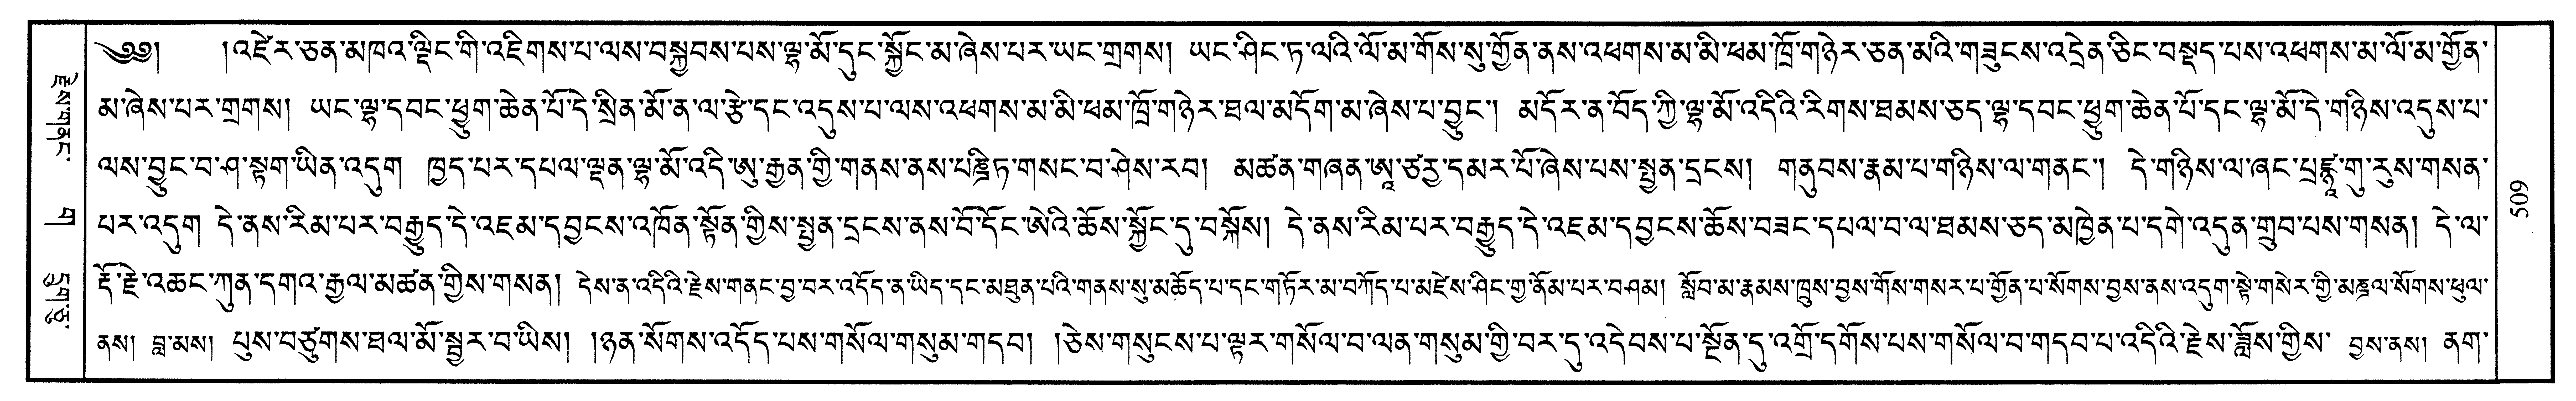༄༅། །འཛེར་ཅན་མཁའ་ལྡིང་གི་འཇིགས་པ་ལས་བསྐྱབས་པས་ལྷ་མོ་དུང་སྐྱོང་མ་ཞེས་པར་ཡང་གྲགས། ཡང་ཤིང་ཏ་ལའི་ལོ་མ་གོས་སུ་གྱོན་ནས་འཕགས་མ་མི་ཕམ་ཁྲོ་གཉེར་ཅན་མའི་གཟུངས་འདྲེན་ཅིང་བསྡད་པས་འཕགས་མ་ལོ་མ་གྱོན་
མ་ཞེས་པར་གྲགས། ཡང་ལྷ་དབང་ཕྱུག་ཆེན་པོ་དེ་སྲིན་མོ་ན་ལ་རྩེ་དང་འདུས་པ་ལས་འཕགས་མ་མི་ཕམ་ཁྲོ་གཉེར་ཐལ་མདོག་མ་ཞེས་པ་བྱུང་། མདོར་ན་བོད་ཀྱི་ལྷ་མོ་འདིའི་རིགས་ཐམས་ཅད་ལྷ་དབང་ཕྱུག་ཆེན་པོ་དང་ལྷ་མོ་དེ་གཉིས་འདུས་པ་
ལས་བྱུང་བ་ཤ་སྟག་ཡིན་འདུག་ཁྱད་པར་དཔལ་ལྡན་ལྷ་མོ་འདི་ཨུ་རྒྱན་གྱི་གནས་ནས་པཎྜིཏ་གསང་བ་ཤེས་རབ། མཚན་གཞན་ཨཱ་ཙརྱ་དམར་པོ་ཞེས་པས་སྤྱན་དྲངས། གནུབས་རྣམ་པ་གཉིས་ལ་གནང་། དེ་གཉིས་ལ་ཞང་པྲཛྙཱ་གུ་རུས་གསན་
པར་འདུག་དེ་ནས་རིམ་པར་བརྒྱུད་དེ་འཇམ་དབྱངས་འཁོན་སྟོན་གྱིས་སྤྱན་དྲངས་ནས་བོ་དོང་ཨེའི་ཆོས་སྐྱོང་དུ་བསྐོས། དེ་ནས་རིམ་པར་བརྒྱུད་དེ་འཇམ་དབྱངས་ཆོས་བཟང་དཔལ་བ་ལ་ཐམས་ཅད་མཁྱེན་པ་དགེ་འདུན་གྲུབ་པས་གསན། དེ་ལ་
རྡོ་རྗེ་འཆང་ཀུན་དགའ་རྒྱལ་མཚན་གྱིས་གསན། དེས་ན་འདིའི་རྗེས་གནང་བྱ་བར་འདོད་ན་ཡིད་དང་མཐུན་པའི་གནས་སུ་མཆོད་པ་དང་གཏོར་མ་བཀོད་པ་མཛེས་ཤིང་གྱ་ནོམ་པར་བཤམ། སློབ་མ་རྣམས་ཁྲུས་བྱས་གོས་གསར་པ་གྱོན་པ་སོགས་བྱས་ནས་འདུག་སྟེ་གསེར་གྱི་མཎྜལ་སོགས་ཕུལ་
ནས། བླ་མས། པུས་བཙུགས་ཐལ་མོ་སྦྱར་བ་ཡིས། །ཉན་སོགས་འདོད་པས་གསོལ་གསུམ་གདབ། །ཅེས་གསུངས་པ་ལྟར་གསོལ་བ་ལན་གསུམ་གྱི་བར་དུ་འདེབས་པ་སྔོན་དུ་འགྲོ་དགོས་པས་གསོལ་བ་གདབ་པ་འདིའི་རྗེས་ཟློས་གྱིས་བྱས་ནས། ནག་